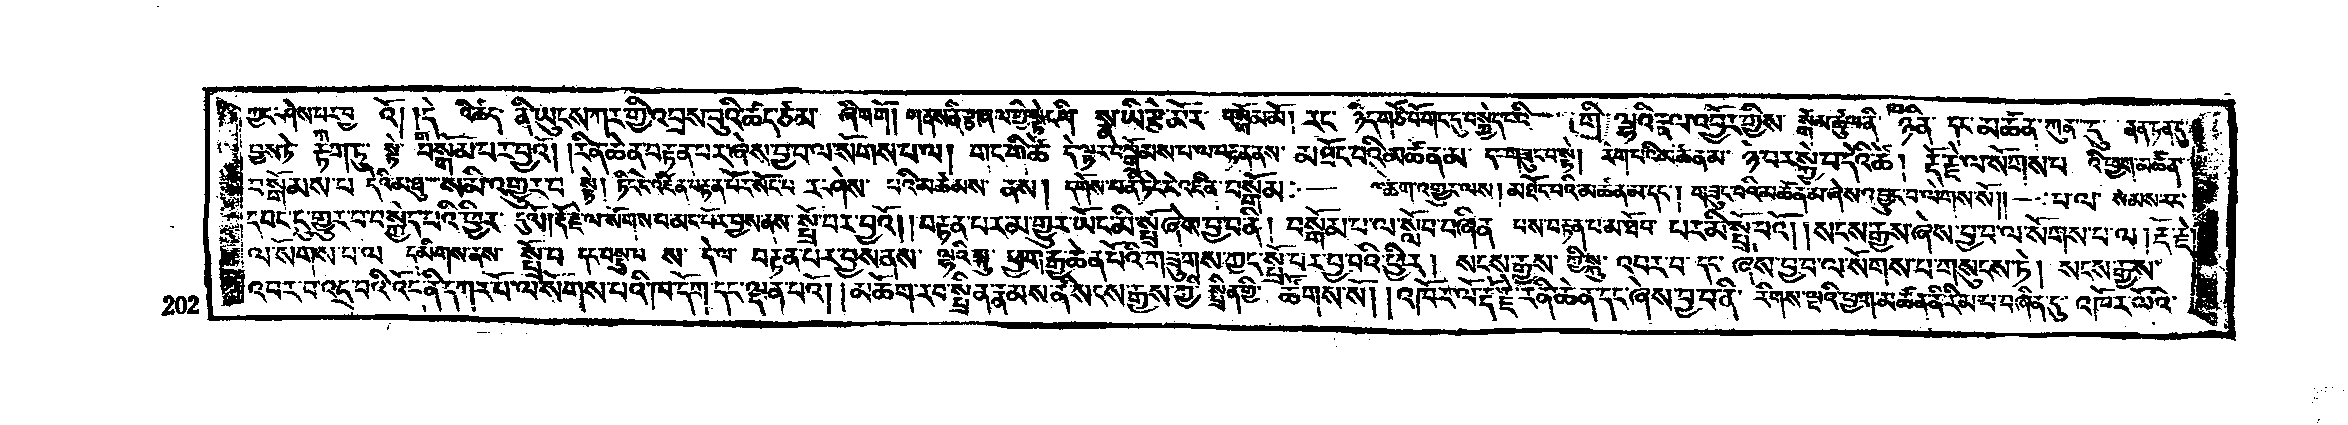ཀྱང་ཤེས་པར་བྱའོ། །དེའི་ཚད་ནི་ཡུངས་ཀར་གྱི་འབྲས་བུའི་ཚད་ཙམ་ཞིག་གོ །གནས་ནི་རྩ་ཞལ་གྱི་སྟེང་གི་སྣ་ཡི་རྩེ་མོར་བསྒོམ་མོ། རང་ཉིད་གཙོ་བོ་གང་དུ་བསྐྱེད་པའི་གི་ལྷའི་རྣལ་འབྱོར་གྱིས་སྒོམ་ཚུལ་ནི་ཁ་ཉིན་དང་མཚན་ཀུན་དུ་ནན་ཏན་དུ་
བྱས་ཏེ་ཀ་རྟག་ཏུ་སྟེ་ག་བསྒོམ་པར་བྱའོ། །རིན་ཆེན་བརྟན་པར་ཞེས་བྱ་བ་ལ་སོགས་པ་ལ། གང་གི་ཚེ་དེ་ལྟར་བསྒོམས་པ་ལ་བརྟེན་ནས་མཐོང་བའི་མཚན་མ་དང་གཟུང་བ་སྟེ། རེག་པའི་མཚན་མ་ཉེ་བར་སྐྱེ་པ་དེའི་ཚེ། རྡོ་རྗེ་ལ་སོགས་པའི་ཕྱག་མཚན
བསྒོམས་པ་དེའི་མཐུ་ས་མི་འགྱུར་བ་སྟེ། ཏིང་ངེ་འཛིན་བརྟན་པོར་སོང་པར་ཤེས་པའི་མཚམས་ནས། དགོས་པ་ནི་ཏིང་ངེ་འཛིན་བསྒོམ་༧ཆག་འགྱུར་ལས། མཐོང་བའི་མཚན་མ་དང་། གཟུང་བའི་མཚན་མ་ཞེས་འབྱུང་བ་ལེགས་སོ།། པ་ལ་སེམས་རང
དབང་དུ་གྱུར་བ་བསྐྱེད་པའི་ཕྱིར་དུའོ། །རྡོ་རྗེ་ལ་སོགས་པ་མང་པོར་བྱས་ནས་སྤྲོ་བར་བྱའོ། །བརྟན་པར་མ་གྱུར་ཡོད་མི་སྤྲོ་ཞེས་བྱ་བ་ནི། བསྒོམ་པ་ལ་སློབ་བཞིན་པས་བརྟན་པ་མ་ཐོབ་པར་མི་སྤྲོ་བའོ། །སངས་རྒྱས་ཞེས་བྱ་བ་ལ་སོགས་པ་ལ། རྡོ་རྗེ་
ལ་སོགས་པ་ལ་དམིགས་ནས་སྤོ་བ་དང་བསྡུ་བ་ས་དེ་ལ་བརྟན་པར་བྱས་ནས་ལྷའི་སྐུ་ཕྱག་རྒྱ་ཆེན་པོའི་གཟུགས་ཀྱང་སྤྲོ་བར་བྱ་བའི་ཕྱིར། སངས་རྒྱས་ཀྱི་སྐུ་འབར་བ་དང་ཞེས་བྱ་བ་ལ་སོགས་པ་གསུངས་ཏེ། སངས་རྒྱས་
འབར་བ་འདྲ་བའི་འོད་ནི་དཀར་པོ་ལ་སོགས་པའི་ཁ་དོག་དང་ལྡན་པའོ། །མཆོག་རབ་སྤྲིན་རྣམས་ནི་སངས་རྒྱས་ཀྱི་སྤྲིན་གྱི་ཚོགས་སོ། །འཁོར་ལོ་རྡོ་རྗེ་རིན་ཆེན་དང་ཞེས་བྱ་བ་ནི་རིགས་ལྔའི་ཕྱག་མཚན་ནི་རིམ་པ་བཞིན་དུ་འཁོར་ལོའི་